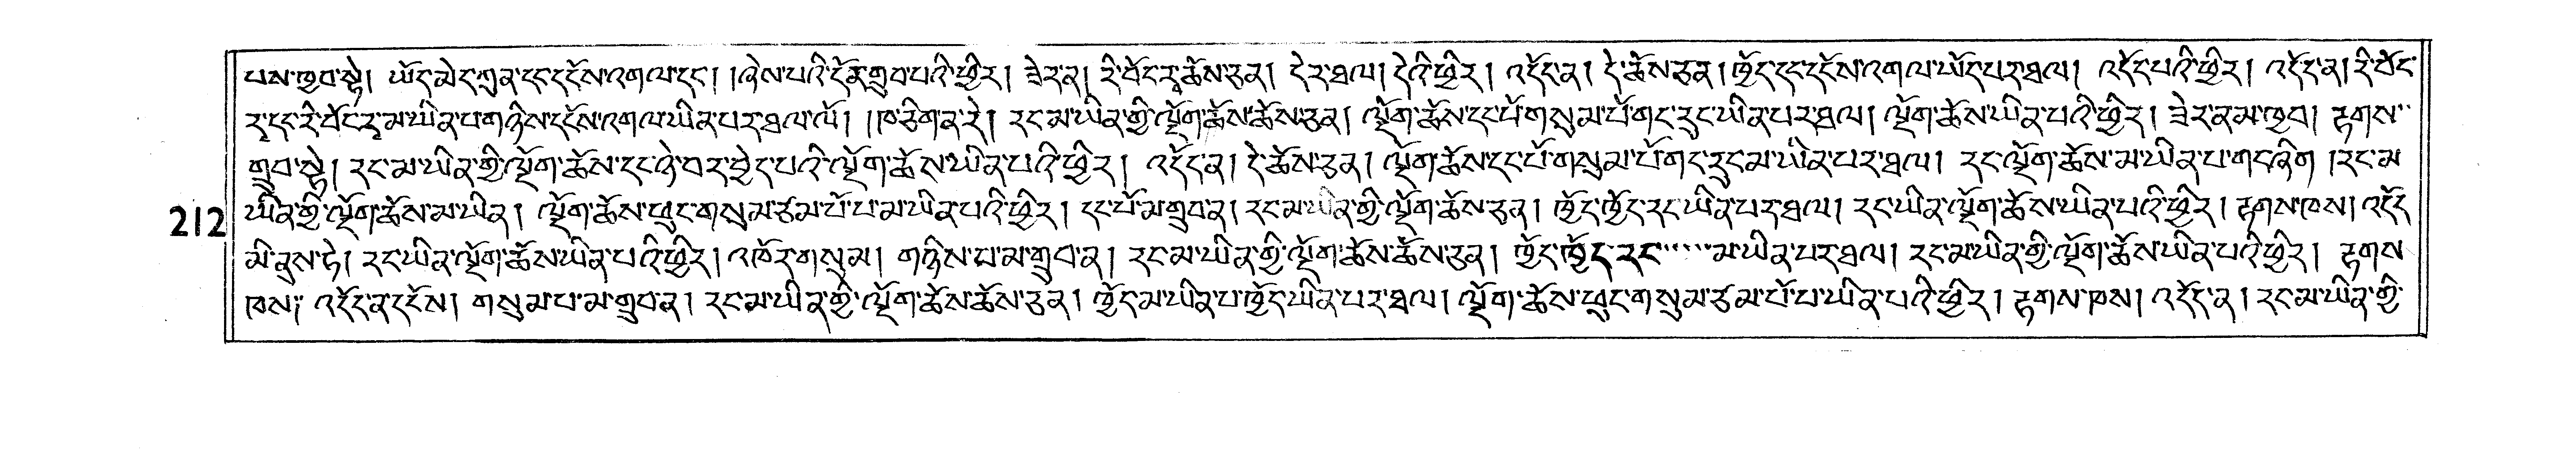པས་ཁྱབ་སྟེ། ཡོད་མེད་ཀུན་དང་དངོས་འགལ་དང་། །ཞེས་པའི་དོན་གྲུབ་པའི་ཕྱིར། ཟེར་ན། རི་བོང་རྭ་ཆོས་ཅན། དེར་ཐལ། དེའི་ཕྱིར། འདོད་ན། དེ་ཆོས་ཅན། ཁྱོད་དང་དངོས་འགལ་ཡོད་པར་ཐལ། འདོད་པའི་ཕྱིར། འདོད་ན། རི་བོང་
རྭ་དང་རི་བོང་རྭ་མ་ཡིན་པ་གཉིས་དངོས་འགལ་ཡིན་པར་ཐལ་ལོ། །ཁ་ཅིག་ན་རེ། རང་མ་ཡིན་གྱི་ལྡོག་ཆོས་ཆོས་ཅན། ལྡོག་ཆོས་དང་པོ་གསུམ་པོ་གང་རུང་ཡིན་པར་ཐལ། ལྡོག་ཆོས་ཡིན་པའི་ཕྱིར། ཟེར་ནམ་ཁྱབ། རྟགས་
གྲུབ་སྟེ། རང་མ་ཡིན་གྱི་ལྡོག་ཆོས་དང་ཉེ་བར་བྱེད་པའི་ལྡོག་ཆོས་ཡིན་པའི་ཕྱིར། འདོད་ན། དེ་ཆོས་ཅན། ལྡོག་ཆོས་དང་པོ་གསུམ་པོ་གང་རུང་མ་ཡིན་པར་ཐལ། རང་ལྡོག་ཆོས་མ་ཡིན་པ་གང་ཞིག །རང་མ་
ཡིན་གྱི་ལྡོག་ཆོས་མ་ཡིན། ལྡོག་ཆོས་ཕུང་གསུམ་ཙམ་པོ་པ་མ་ཡིན་པའི་ཕྱིར། དང་པོ་མ་གྲུབ་ན། རང་མ་ཡིན་གྱི་ལྡོག་ཆོས་ཅན། ཁྱོད་ཁྱོད་རང་ཡིན་པར་ཐལ། རང་ཡིན་ལྡོག་ཆོས་ཡིན་པའི་ཕྱིར། རྟགས་ཁས། འདོད་
མི་ནུས་ཏེ། རང་ཡིན་ལྡོག་ཆོས་ཡིན་པའི་ཕྱིར། འཁོར་གསུམ། གཉིས་པ་མ་གྲུབ་ན། རང་མ་ཡིན་གྱི་ལྡོག་ཆོས་ཆོས་ཅན། ཁྱོད་ཁྱོད་རང་མ་ཡིན་པར་ཐལ། རང་མ་ཡིན་གྱི་ལྡོག་ཆོས་ཡིན་པའི་ཕྱིར། རྟགས་
ཁས༑ འདོད་ན་དངོས། གསུམ་པ་མ་གྲུབ་ན། རང་མ་ཡིན་གྱི་ལྡོག་ཆོས་ཆོས་ཅན། ཁྱོད་མ་ཡིན་པ་ཁྱོད་ཡིན་པར་ཐལ། ལྡོག་ཆོས་ཕུང་གསུམ་ཙམ་པོ་པ་ཡིན་པའི་ཕྱིར། རྟགས་ཁས། འདོད་ན། རང་མ་ཡིན་གྱི་